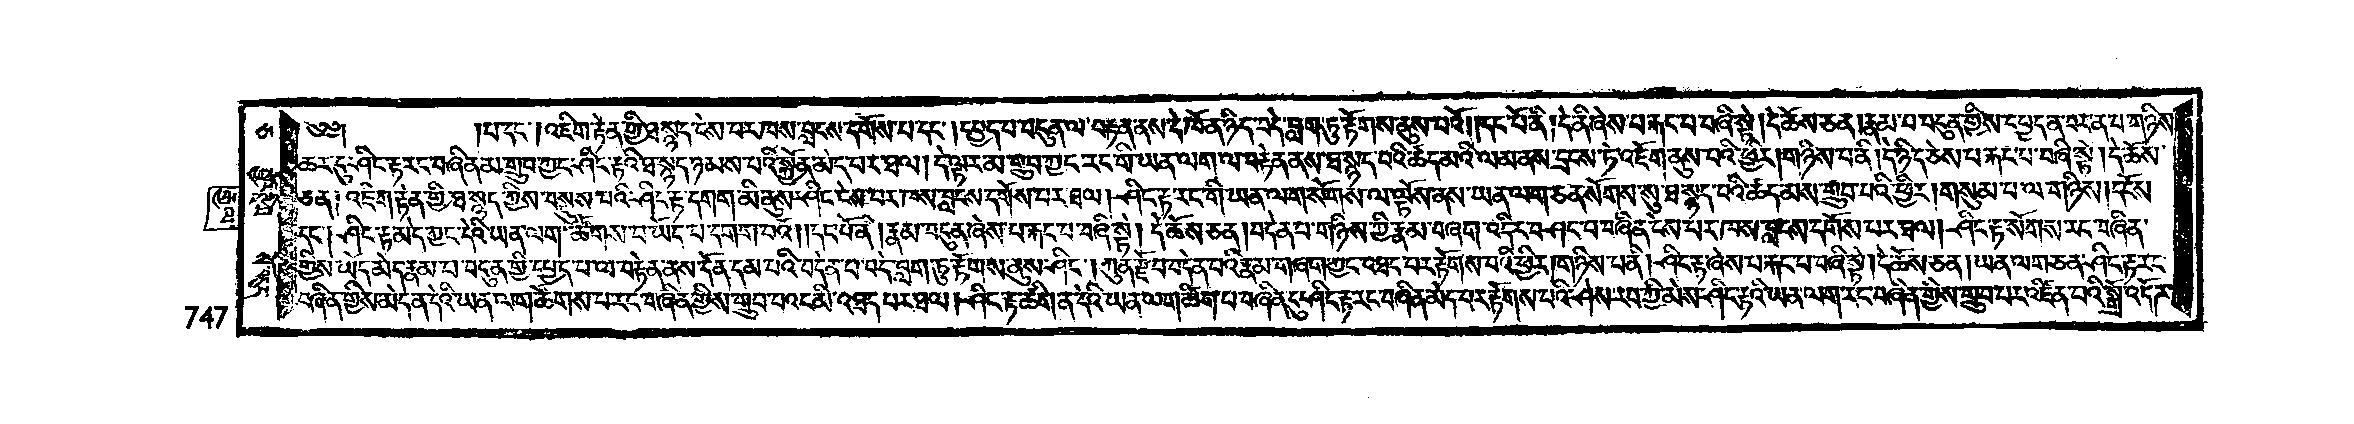༄༅། །པ་དང་། འཇིག་རྟེན་གྱི་ཐ་སྙད་ངེས་པར་ཁས་བླངས་དགོས་པ་དང་། དཔྱད་པ་བདུན་ལ་བརྟན་ནས་དེ་ཁོ་ན་ཉིད་བདེ་བླག་ཏུ་རྟོགས་ནུས་པའོ། །དང་པོ་ནི། དེ་ནི་ཞེས་པ་རྐང་པ་བཞི་སྟེ། དེ་ཆོས་ཅན། རྣམ་པ་བདུན་གྱིས་དཔྱད་ན་བར་ན་པ་གཉིས་
ཆར་དུ་ཤིང་རྟ་རང་བཞིན་མ་གྲུབ་ཀྱང་ཤིང་རྟའི་ཐ་སྙད་ཉམས་པའི་སྐྱོན་མེད་པར་ཐལ། དེ་ལྟར་མ་གྲུབ་ཀྱང་རང་གི་ཡན་ལག་ལ་བརྟེན་ནས་ཐ་སྙད་པའི་ཚད་མའི་ལམ་ནས་དྲངས་ཏེ་འཇོག་ནུས་པའི་ཕྱིར། གཉིས་པ་ནི། དེ་ཉིད་ཅེས་པ་རྐང་པ་བཞི་སྟེ། དེ་ཆོས་
ཅན། འཇིག་རྟེན་གྱི་ཐ་སྙད་ཀྱིས་བསྡུས་པའི་ཤིང་རྟ་དགག་མི་ནུས་ཤིང་ངེས་པར་ཁས་བླངས་དགོས་པར་ཐལ། ཤིང་རྟ་རང་གི་ཡན་ལག་སོགས་ལ་ལྟོས་ནས་ཡན་ལག་ཅན་སོགས་སུ་ཐ་སྙད་པའི་ཚད་མས་གྲུབ་པའི་ཕྱིར། གསུམ་པ་ལ་གཉིས། དངོས་
དང་། ཤིང་རྟ་མེད་ཀྱང་དེའི་ཡན་ལག་ཚོགས་པ་ཡོད་པ་དགག་པའོ། །དང་པོ་ནི། རྣམ་བདུན་ཞེས་པ་རྐང་པ་བཞི་སྟེ། དེ་ཆོས་ཅན། བདེན་པ་གཉིས་ཀྱི་རྣམ་བཞག་འདིར་བཤད་པ་བཞིན་ངེས་པར་ཁས་བླངས་དགོས་པར་ཐལ། ཤིང་རྟ་སོགས་རང་བཞིན་
གྱིས་ཡོད་མེད་རྣམ་པ་བདུན་གྱི་དཔྱད་པ་ལ་བརྟེན་ནས་དོན་དམ་པའི་བདེན་པ་བདེ་བླག་ཏུ་རྟོགས་ནུས་ཤིང་། ཀུན་རྫོབ་བདེན་པའི་རྣམ་གཞག་ཀྱང་འཐད་པར་རྟོགས་པའི་ཕྱིར། གཉིས་པ་ནི། ཤིང་རྟ་ཞེས་པ་རྐང་པ་བཞི་སྟེ། དེ་ཆོས་ཅན། ཡན་ལག་ཅན་ཤིང་རྟ་རང་
བཞིན་གྱིས་མེད་ན་དེའི་ཡན་ལག་ཚོགས་པ་རང་བཞིན་གྱིས་གྲུབ་པའང་མི་འཐད་པར་ཐལ། ཤིང་རྟ་ཚིག་ན་དེའི་ཡན་ལག་ཚིག་པ་བཞིན་དུ་ཤིང་རྟ་རང་བཞིན་མེད་པར་རྟོགས་པའི་ཤེས་རབ་ཀྱི་མེས་ཤིང་རྟའི་ཡན་ལག་རང་བཞིན་གྱིས་གྲུབ་པར་འཛིན་པའི་སྒྲོ་འདོགས་